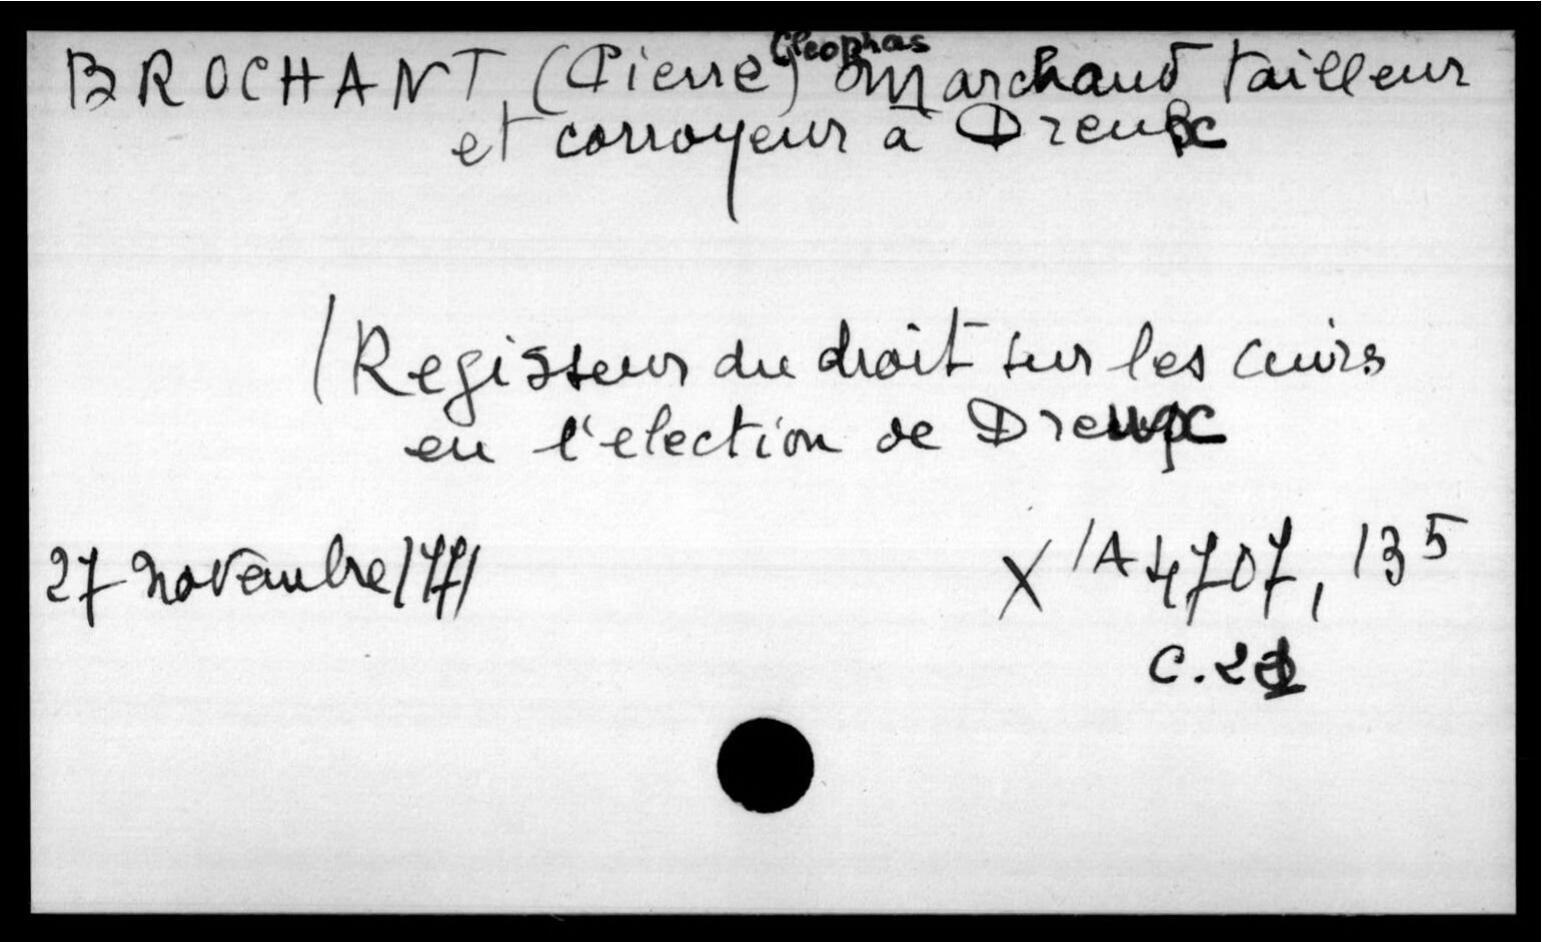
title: BROCHANT (Pierre Cleophas) marchand tailleur et corroyeur à Dreux
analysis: Contre Regisseur du droit sur les ciurs en l'élection de Dreux
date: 27 novembre 1771
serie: X1A
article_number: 4707
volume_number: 135 Conseil, 21
